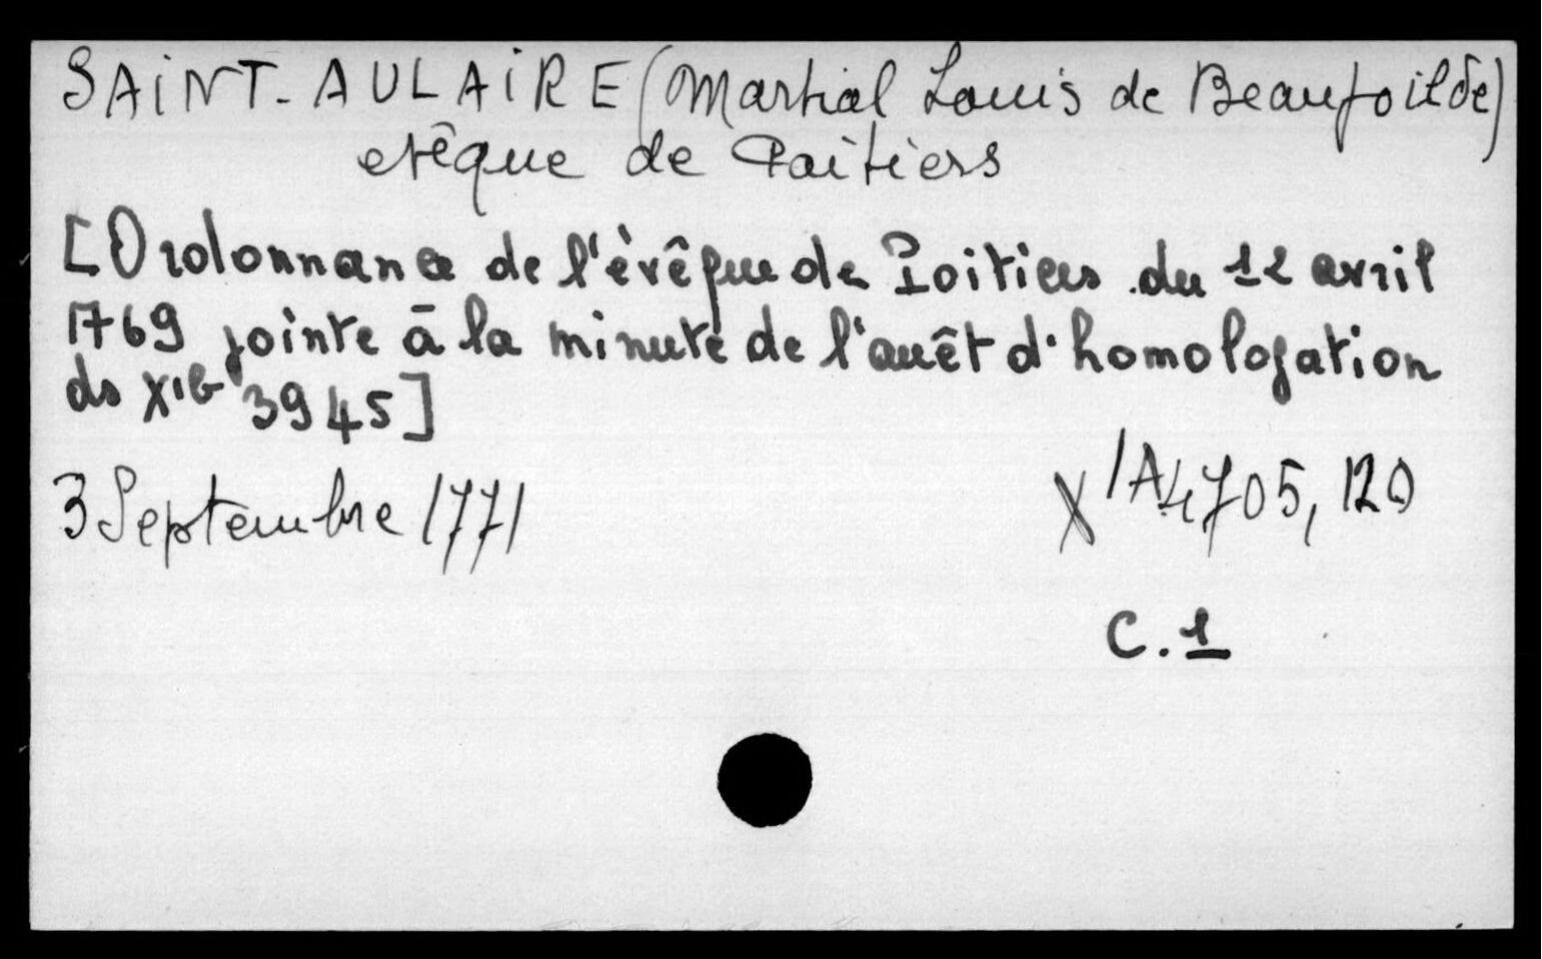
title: SAINT-AULAIRE (Martial Louis de Beaupoil de) évêque de Poitiers
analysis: [Ordonnance de l'évêque de Poitiers du 12 avril 1769 jointe à la minute de l'arrêt d'homologation dans X1b 3945]
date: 3 septembre 1771
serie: X1A
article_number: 4705
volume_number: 120 Conseil, 1
